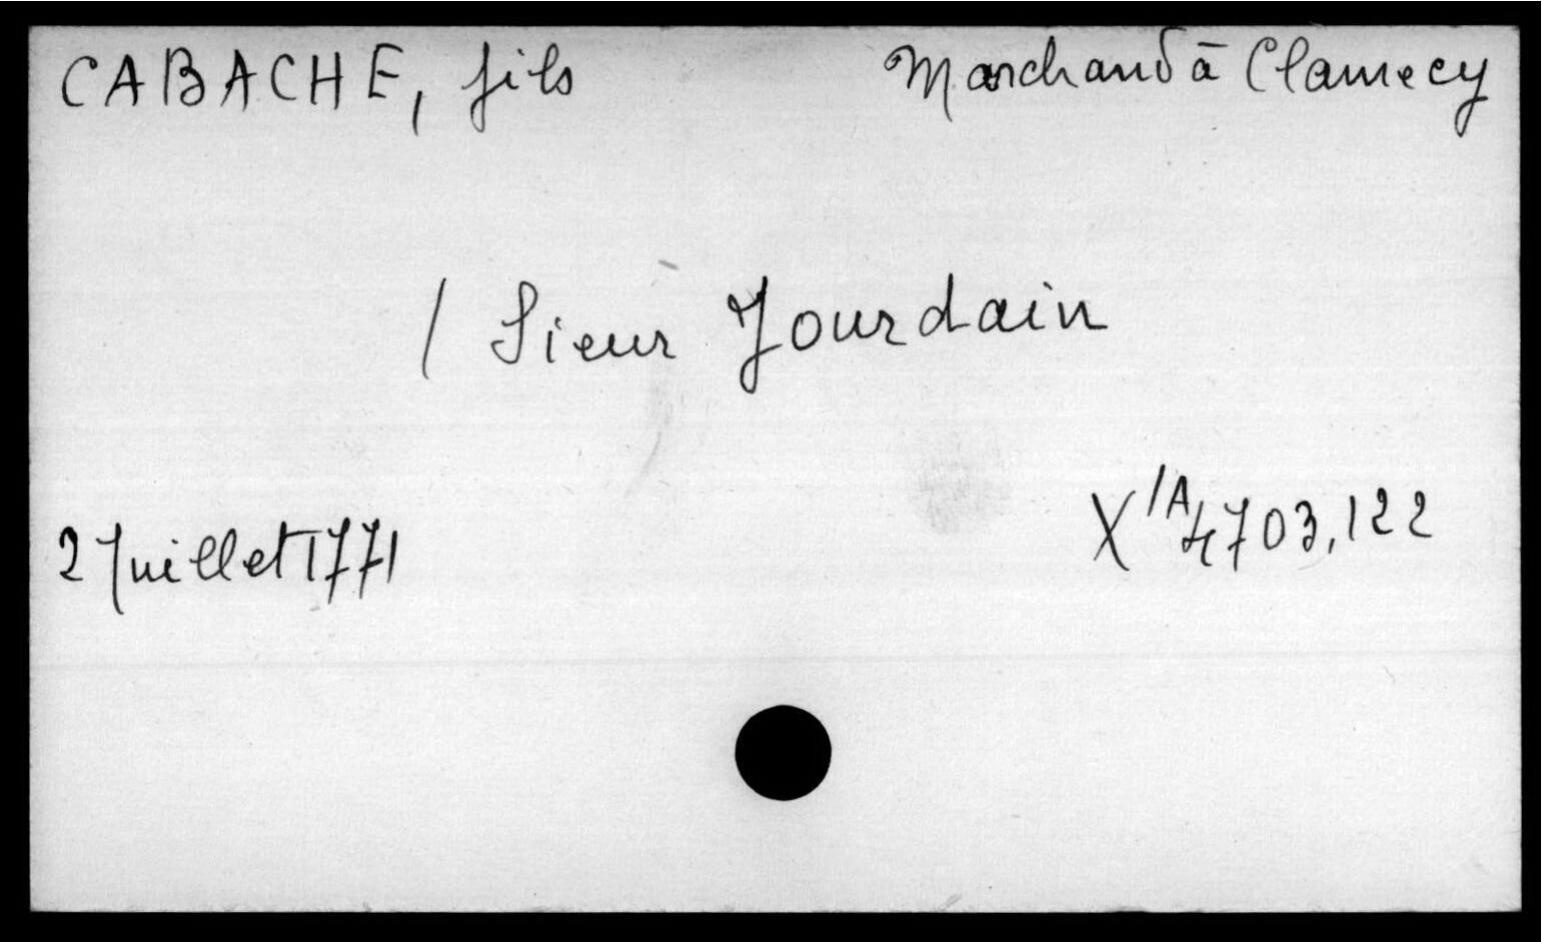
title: CABACHE, fils, marchand à Clamecy
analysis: Contre Sieur Jourdain
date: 2 juillet 1771
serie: X1A
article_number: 4703
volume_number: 122
